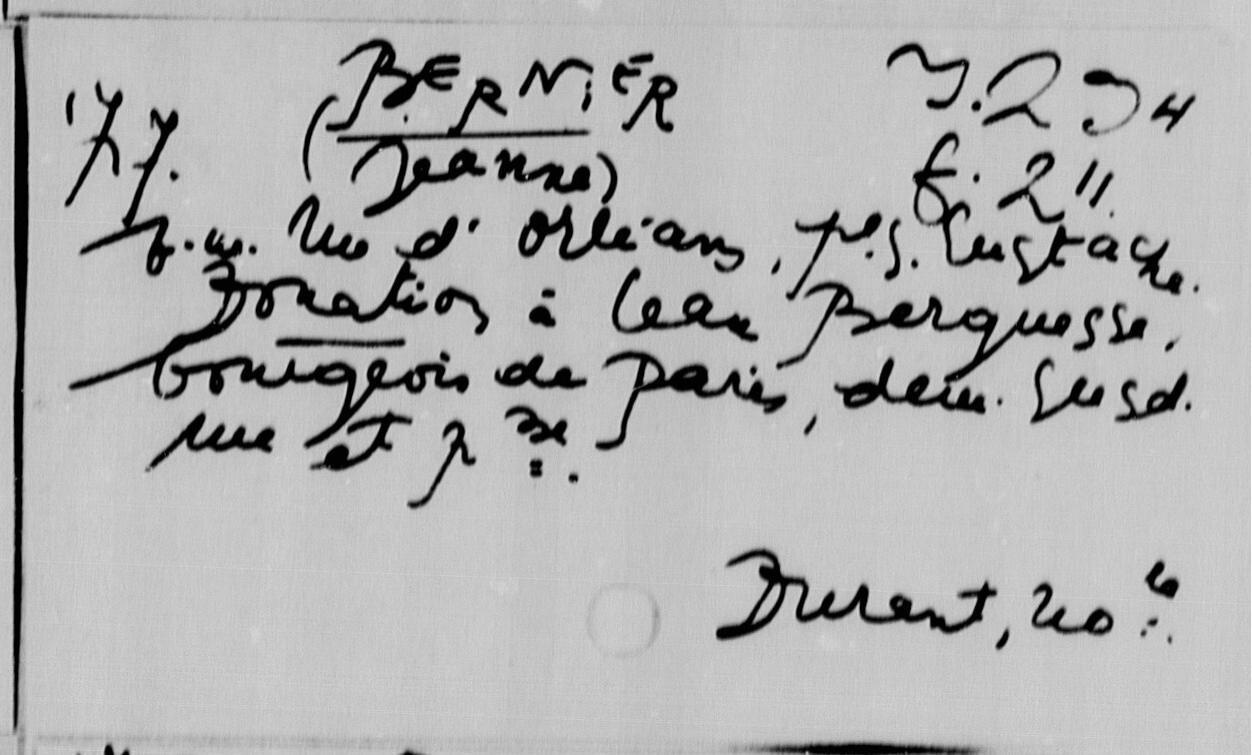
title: BERNIER (Jeanne)
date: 1717
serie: Y
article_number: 294
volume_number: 211
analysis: Fille majeure, rue d'Orléans, paroisse Saint-Eustache. Donation à Jean Berguesse, bourgeois de Paris, demeurant susdites rue et paroisse. Durant, notaire.
